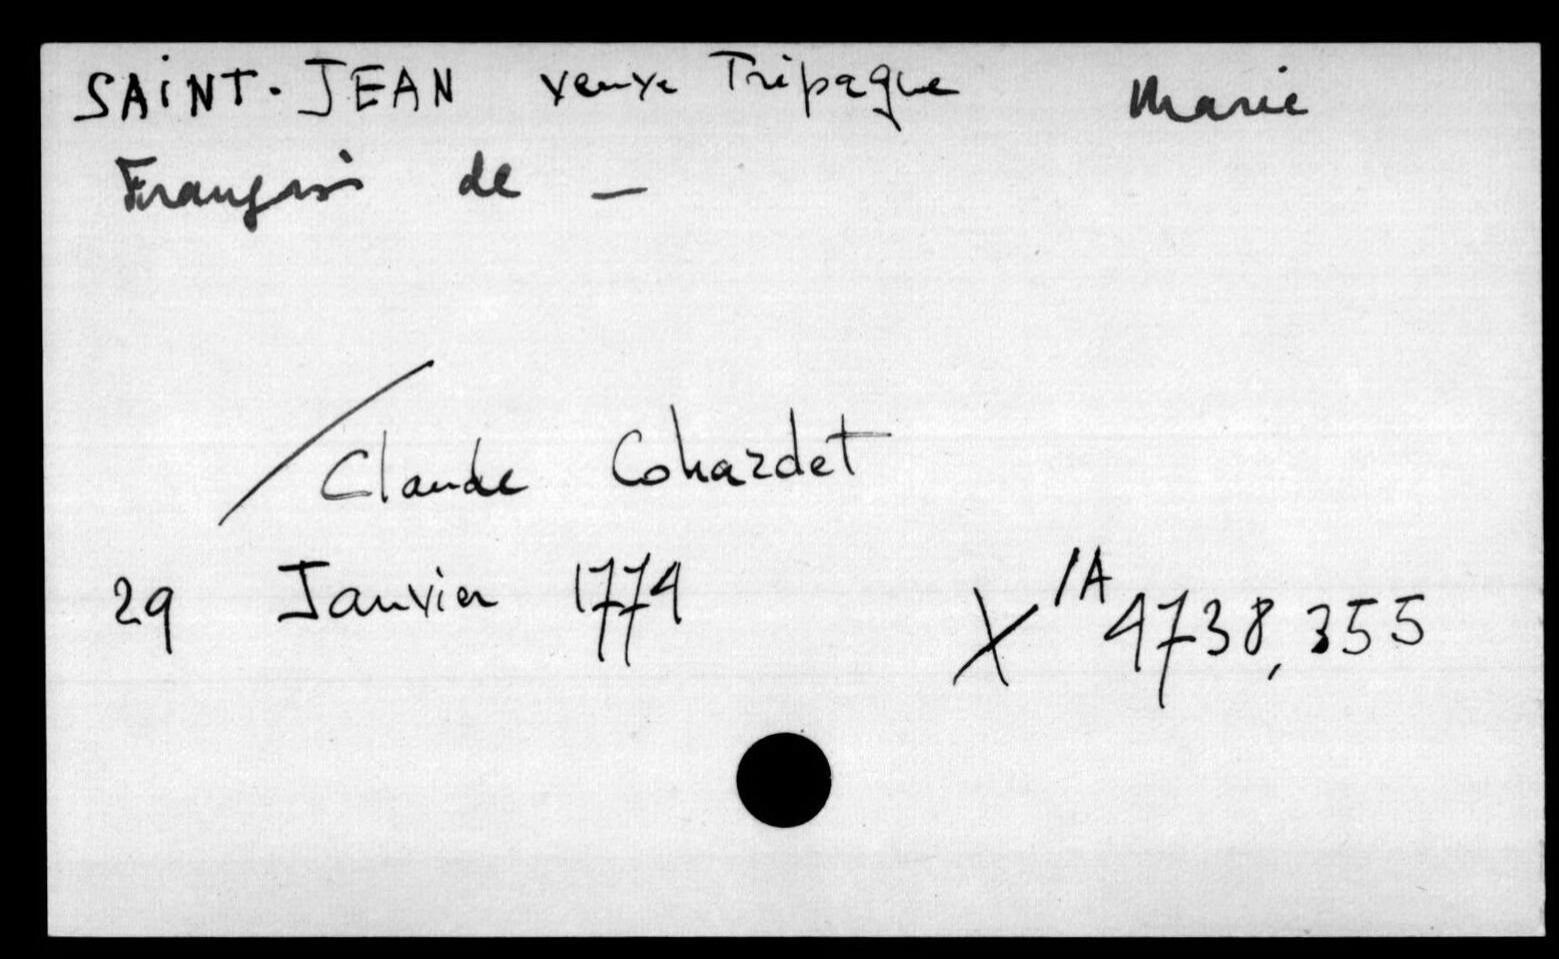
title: SAINT-JEAN Veuve Tripagne Marie François de
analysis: Contre Claude Cohardet
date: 29 janvier 1774
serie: X1A
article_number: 4738
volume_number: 355
